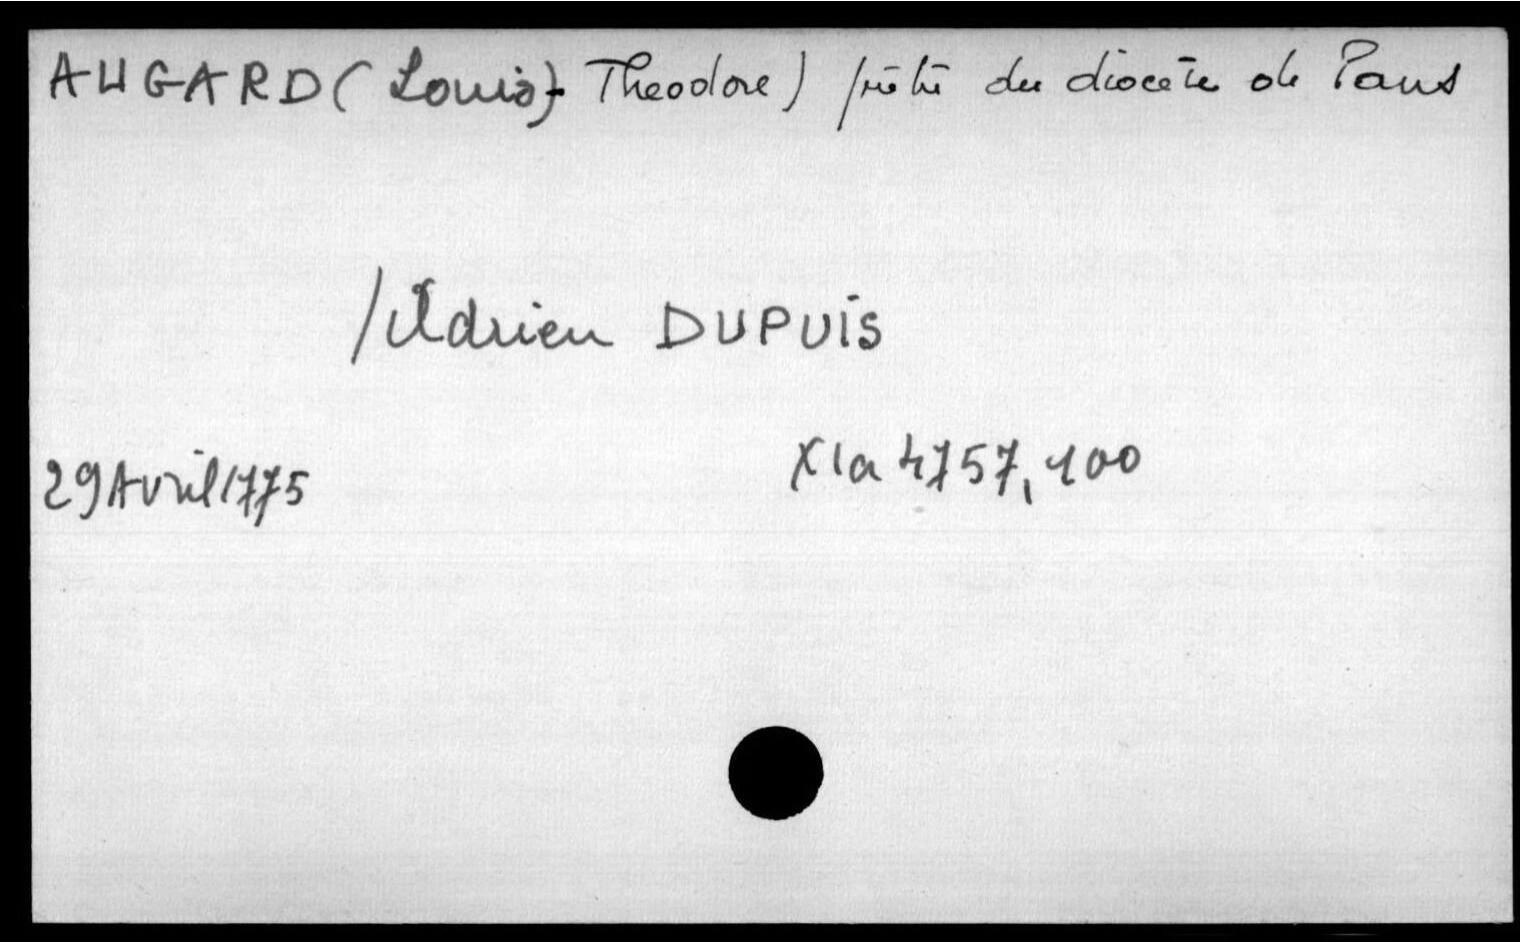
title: AUGARD (Louis-Theodore) prêtre du diocèse de Paris
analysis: Contre Adrien DUPUIS
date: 29 avril 1775
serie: X1a
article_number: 4757
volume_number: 100
